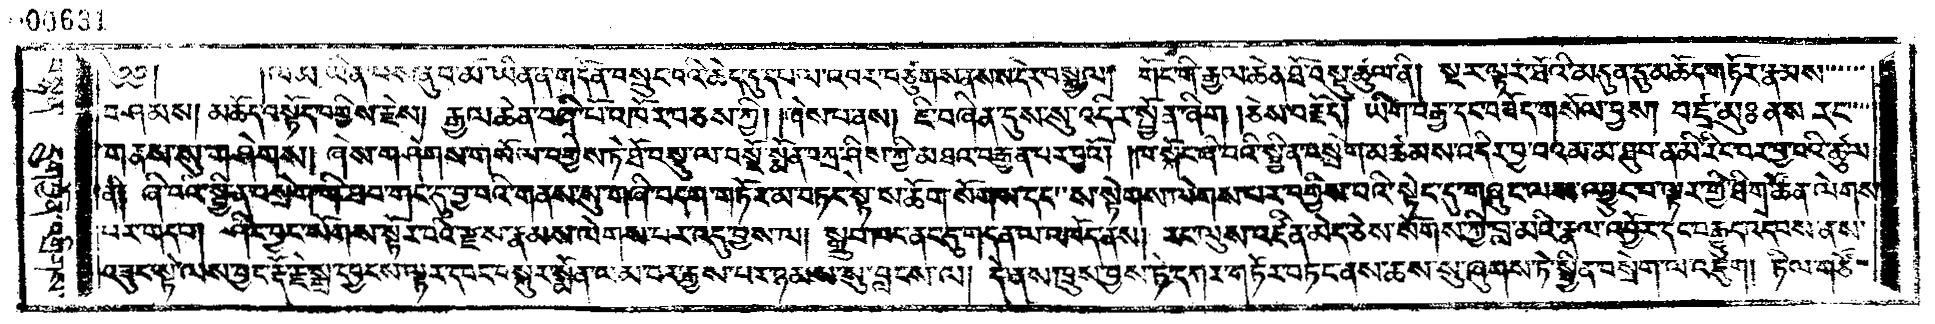༄༅། །ལམ་ཡིན་པས་ནུབ་མོ་ཡིན་ན་གདོན་བསྲུང་བའི་ཆེད་དུ་དཔལ་འབར་བཙུགས་ནས་ས་དེར་བསྐྱལ། གོང་གི་རྒྱལ་ཆེན་ཐོ་བསྡུ་ཚུལ་ནི། སྔར་ལྟར་ཐོའི་མདུན་དུ་མཆོད་གཏོར་རྣམས་
བཤམས། མཆོད་བསྟོད་བགྱིས་རྗེས། རྒྱལ་ཆེན་བཞི་པོ་འཁོར་བཅས་ཀྱི། །ཞེས་པ་ནས། ཇི་བཞིན་དུས་སུ་འདིར་སྤྱོན་ཞིག །ཅེས་བརྗོད། ཡིག་བརྒྱ་དང་བཟོད་གསོལ་བྱས། བཛྲ་མུཿ ནས་རང་
གནས་སུ་གཤེགས། ཞེས་གཤེགས་གསོལ་བགྱིས་ཏེ་ཐོ་བསྡུ་ལ་བསྔོ་སྨོན་བཀྲ་ཤིས་ཀྱི་མཐའ་བརྒྱན་པར་བྱའོ། །ཁ་སྐོང་ཞི་བའི་སྦྱིན་བསྲེག་མཚམས་འདིར་བྱ་བའམ་མ་ཐུབ་ན་མི་རིང་བར་བྱ་བའི་ཚུལ་
ནི༑ ཞི་བའི་སྦྱིན་བསྲེག་གི་ཐབ་གང་དུ་བྱ་བའི་གནས་སུ་གཞི་བདག་གཏོར་མ་བཏང་སྟེ་ས་ཆོག་སོགས་དང་ས་སྟེགས་ལེགས་པར་བགྱིས་པའི་སྟེང་དུ་གཞུང་ལས་འབྱུང་བ་ལྟར་གྱི་ཐིག་ཚོན་ལེགས་
པར་གདབ། ཤིང་བྱང་སོགས་སྟོར་བའི་རྫས་རྣམས་ལེགས་པར་འདུ་བྱས་ལ། སྒྲུབ་ཁང་ནང་དུ་གདན་ལ་འཁོད་ནས། རང་ལུས་འཛིན་མེད་ཅེས་སོགས་ཀྱི་བླ་མའི་རྣལ་འབྱོར་དང་བརྒྱུད་འདེབས་ནས་
བཟུང་སྟེ་ལས་བྱང་རྡོ་རྗེ་སྒྲ་དབྱངས་ལྟར་དབང་བསྐུར་སྨོན་ལམ་བར་རྒྱས་པར་ཉམས་སུ་བླངས་ལ། དེ་ནས་ཁྲུས་བྱས་ཏེ་དཀར་གཏོར་བཏང་ནས་ཆས་སུ་ཞུགས་ཏེ་སྦྱིན་བསྲེག་ལ་འཇུག །ཏིལ་གཙོ་